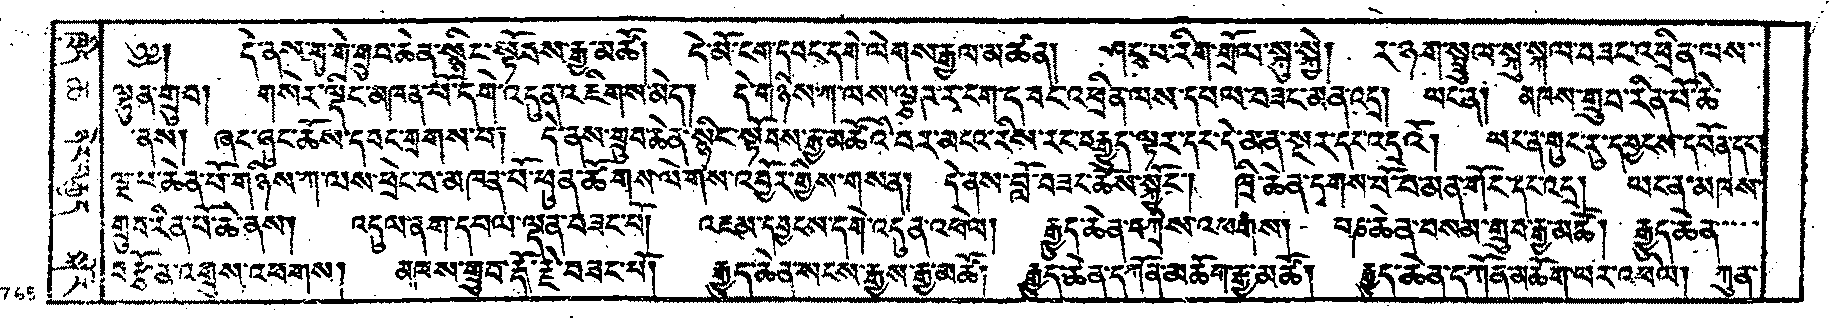༄༅། །དེ་ནས་གུ་གེ་གྲུབ་ཆེན་སྙིང་སྟོབས་རྒྱ་མཚོ། དེ་མོ་ངག་དབང་དགེ་ལེགས་རྒྱལ་མཚན། ཤངས་པ་རིག་གྲོལ་སྐུ་སྐྱེ། ར་ཉག་སྤྲུལ་སྐུ་སྐལ་བཟང་འཕྲིན་ལས་
ལྷུན་གྲུབ། གསེར་ལྡིང་མཁན་པོ་དགེ་འདུན་འཇིགས་མེད། དེ་གཉིས་ཀ་ལས་ལྕགས་རྭ་ངག་དབང་འཕྲིན་ལས་དཔལ་བཟང་མན་འདྲ། ཡང་ན། མཁས་གྲུབ་རིན་པོ་ཆེ་
ནས། ཞང་ཞུང་ཆོས་དབང་གྲགས་པ། དེ་ནས་གྲུབ་ཆེན་སྙིང་སྟོབས་རྒྱ་མཚོའི་བར་མངའ་རིས་རང་བརྒྱུད་ལྟར་དང་དེ་མན་སྔར་དང་འདྲའོ། ཡང་ན་གུང་རུ་དབྱངས་དཔོན་དང་།
ལྔ་པ་ཆེན་པོ་གཉིས་ཀ་ལས་ཕྲེང་བ་མཁན་པོ་ཕུན་ཚོགས་ལེགས་འབྱོར་གྱིས་གསན། དེ་ནས་བློ་བཟང་ཆོས་སྐྱོང་། ཁྲི་ཆེན་དྭགས་པོ་བ་མན་གོང་དང་འདྲ། ཡང་ན་མཁས་
གྲུབ་རིན་པོ་ཆེ་ནས། འདུལ་ནག་དཔལ་ལྡན་བཟང་པོ། འཇམ་དབྱངས་དགེ་འདུན་འཕེལ། རྒྱུད་ཆེན་བཀྲིས་འཕགས། པཎ་ཆེན་བསམ་གྲུབ་རྒྱ་མཚོ། རྒྱུད་ཆེན་
བརྩོན་འགྲུས་འཕགས། མཁས་གྲུབ་རྡོ་རྗེ་བཟང་པོ། རྒྱུད་ཆེན་སངས་རྒྱས་རྒྱ་མཚོ། རྒྱུད་ཆེན་དཀོན་མཆོག་རྒྱ་མཚོ། རྒྱུད་ཆེན་དཀོན་མཆོག་ཡར་འཕེལ། ཀུན་